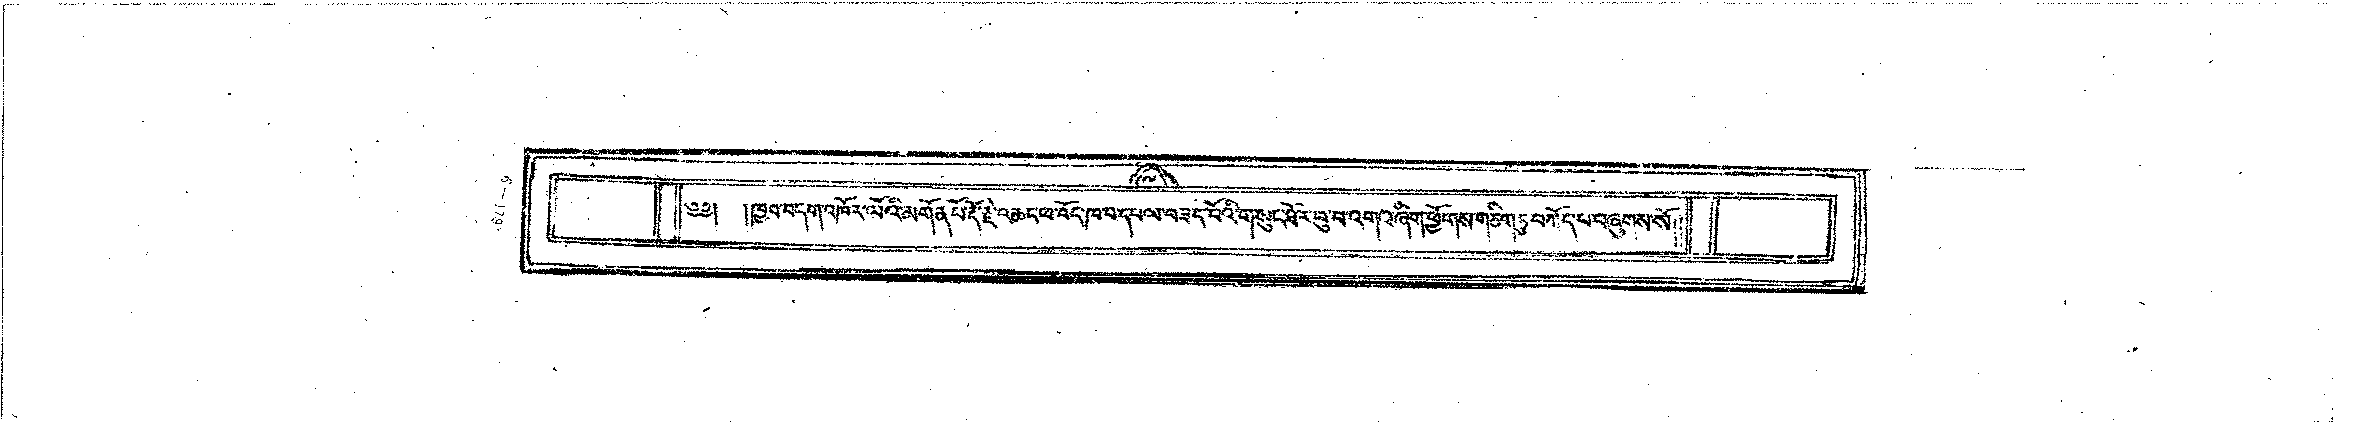༄༅། །ཁྱབ་བདག་འཁོར་ལོའི་མགོན་པོ་རྡོ་རྗེ་འཆང་ཕ་བོང་ཁབ་དཔལ་བཟང་པོའི་གསུང་ཐོར་བུ་བ་འགའ་ཞིག་ཕྱོགས་གཅིག་ཏུ་བཀོད་པ་བཞུགས་སོ།།